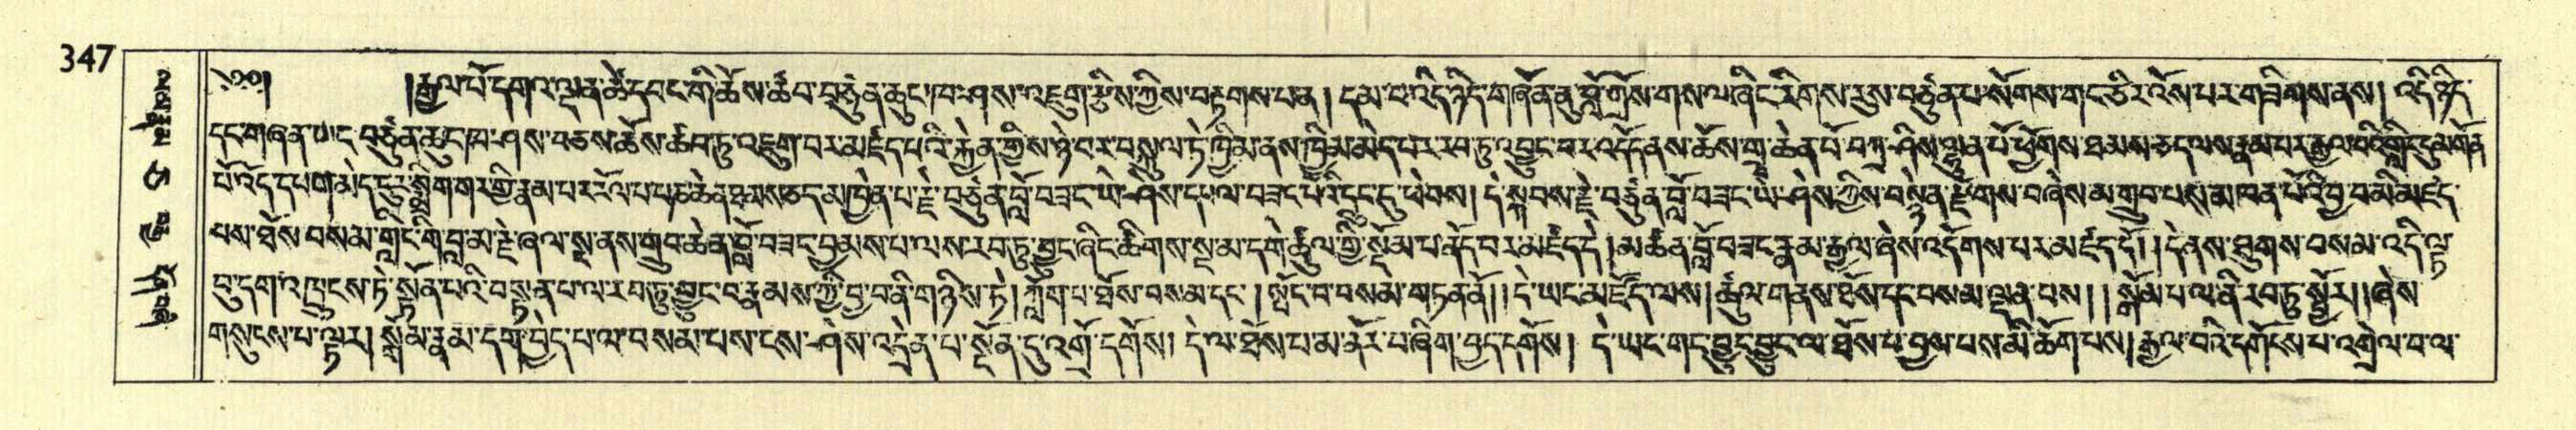༄༅། །རྒྱལ་པོ་དགའ་ལྡན་ཚེ་དབང་གི་ཆོས་ཚབ་བཙུན་ཆུང་ཁ་ཤས་འཇུག་རྩིས་ཀྱིས་བརྟགས་པ་ན། དམ་པ་འདི་ཉིད་གཞོན་ནུ་བློ་གྲོས་གསལ་ཞིང་རིགས་རུས་བཙུན་པ་སོགས་གང་ཅིར་འོས་པར་གཟིགས་ནས། འདི་ཉིད་
དང་གཞན་ཡང་བཙུན་ཆུང་ཁ་ཤས་བཅས་ཆོས་ཚབ་ཏུ་འཇུག་པར་མཛད་པའི་རྐྱེན་གྱིས་ཉེ་བར་བསྐུལ་ཏེ་ཁྱིམ་ནས་ཁྱིམ་མེད་པར་རབ་ཏུ་འབྱུང་བར་འདོད་ནས་ཆོས་གྲྭ་ཆེན་པོ་བཀྲ་ཤིས་ལྷུན་པོ་ཕྱོགས་ཐམས་ཅད་ལས་རྣམ་པར་རྒྱལ་བའི་གླིང་དུ་མགོན་
པོ་འོད་དཔག་མེད་ངུར་སྨྲིག་གར་གྱི་རྣམ་པར་རོལ་པ་པཎ་ཆེན་ཐམས་ཅད་མཁྱེན་པ་རྗེ་བཙུན་བློ་བཟང་ཡེ་ཤེས་དཔལ་བཟང་པོའི་དྲུང་དུ་ཕེབས། དེ་སྐབས་རྗེ་བཙུན་བློ་བཟང་ཡེ་ཤེས་ཀྱིས་བསྙེན་རྫོགས་བཞེས་མ་གྲུབ་པས་མཁན་པོའི་བྱ་བ་མི་མཛད་
པས་ཐོས་བསམ་གླིང་གི་བླ་མ་རྗེ་ཞལ་སྔ་ནས་གྲུབ་ཆེན་བློ་བཟང་བྱམས་པ་ལས་རབ་ཏུ་བྱུང་ཞིང་ཚིགས་སྡེ་མ་དགེ་ཚུལ་གྱི་སྡོམ་པ་ནོད་པར་མཛད་དེ། མཚན་བློ་བཟང་རྣམ་རྒྱལ་ཞེས་འདོགས་པར་མཛད་དོ། །དེ་ནས་ཐུགས་བསམ་འདི་ལྟ་
བུ་དག་འཁྲུངས་ཏེ་སྟོན་པའི་བསྟན་པ་ལ་རབ་ཏུ་བྱུང་བ་རྣམས་ཀྱི་བྱ་བ་ནི་གཉིས་ཏེ། ཀློག་པ་ཐོས་བསམ་དང་། སྤོང་བ་བསམ་གཏན་ནོ། །དེ་ཡང་མཛོད་ལས། ཚུལ་གནས་ཐོས་དང་བསམ་ལྡན་པས། །སྒོམ་པ་ལ་ནི་རབ་ཏུ་སྦྱོར། །ཞེས་
གསུངས་པ་ལྟར། སྒོམ་རྣམ་དག་བྱེད་པ་ལ་བསམ་པས་ངས་ཤེས་འདྲེན་པ་སྔོན་དུ་འགྲོ་དགོས། དེ་ལ་ཐོས་པ་མ་ནོར་པ་ཞིག་བྱད་དགོས། དེ་ཡང་གང་བྱུང་བྱུང་ལ་ཐོས་པས་བྱས་པས་མི་ཆོག་པས། རྒྱལ་བའི་དགོངས་པ་འགྲེལ་པ་ལ་